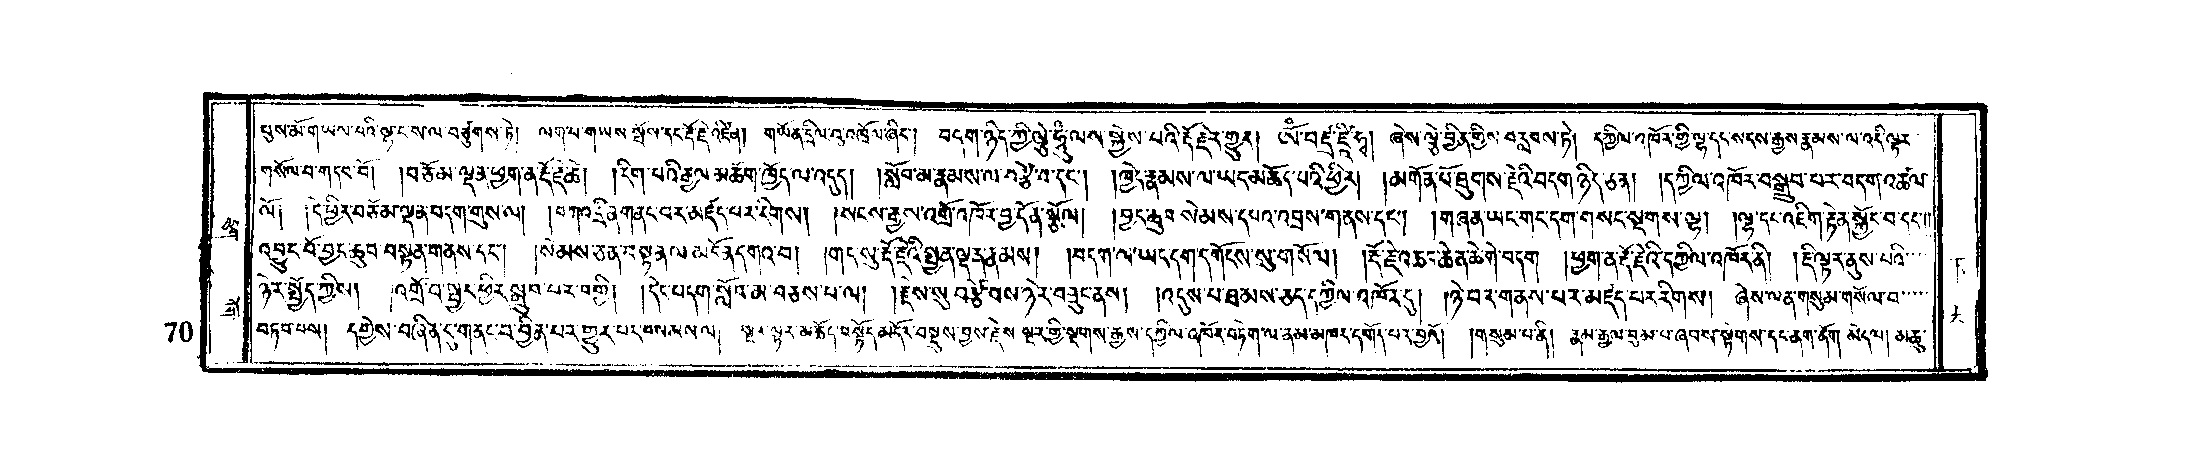པུས་མོ་གཡས་པའི་ལྷ་ང་ས་ལ་བཙུགས་ཏེ། ལག་པ་གཡས་སྤོས་དང་རྡོ་རྗེ་འཛིན། གཡོན་དྲིལ་བུ་འཁྲོལ་ཞིང་། བདག་ཉིད་ཀྱི་ལྕེ་ཧཱུཾ་ལས་སྐྱེས་པའི་རྡོ་རྗེར་གྱུར། ཨོཾ་བཛྲ་ཛཱི་ཧྭ། ཞེས་ལྕེ་བྱིན་གྱིས་བརླབས་ཏེ། དཀྱིལ་འཁོར་གྱི་ལྷ་དང་སངས་རྒྱས་རྣམས་ལ་འདི་ལྟར་
གསོལ་བ་གདབ་བོ། །བཅོམ་ལྡན་ཕྱག་ན་རྡོ་རྗེ་ཆེ། །རིག་པའི་རྒྱལ་མཆོག་ཁྱོད་ལ་འདུད། །སློབ་མ་རྣམས་ལ་བརྩེ་བ་དང་། །ཁྱེད་རྣམས་ལ་ཡང་མཆོད་པའི་ཕྱིར། །མགོན་པོ་ཐུགས་རྗེའི་བདག་ཉིད་ཅན། །དཀྱིལ་འཁོར་བསྒྲུབ་པར་བདག་འཚལ་
ལོ། །དེ་ཕྱིར་བཅོམ་ལྡན་བདག་གུས་ལ། །བཀའ་དྲིན་གནང་བར་མཛད་པར་རིགས། །སངས་རྒྱས་འགྲོ་འཁོར་བྱ་དོན་སྩོལ། །བྱང་ཆུབ་སེམས་དཔའ་འབྲས་གནས་དང་། །གཞན་ཡང་གང་དག་གསང་སྔགས་ལྷ། །ལྷ་དང་འཇིག་རྟེན་སྐྱོང་བ་དང་།
འབྱུང་པོ་བྱང་ཆུབ་བསྟན་གནས་དང་། །སེམས་ཅན་བསྟན་ལ་མངོན་དགའ་བ། །གང་སུ་རྡོ་རྗེའི་སྤྱན་ལྡན་རྣམས། །བདག་ལ་ཡང་དག་དགོངས་སུ་གསོལ། །རྡོ་རྗེ་འཆང་ཆེན་ཆེ་གེ་བདག །ཕྱག་ན་རྡོ་རྗེའི་དཀྱིལ་འཁོར་ནི། །ཇི་ལྟར་ནུས་པའི་
ཉེར་སྤྱོད་ཀྱིས། །འགྲོ་བ་སྦྱང་ཕྱིར་སྒྲུབ་པར་བགྱི། །དེང་བདག་སློབ་མ་བཅས་པ་ལ། །རྗེས་སུ་བརྩེ་བས་ཉེར་བཟུང་ནས། །འདུས་པ་ཐམས་ཅད་དཀྱིལ་འཁོར་དུ། །ཉེ་བར་གནས་པར་མཛད་པར་རིགས། ཞེས་ལན་གསུམ་གསོལ་བ་
བཏབ་པས། དགྱེས་བཞིན་དུ་གནང་བ་བྱིན་པར་གྱུར་པར་བསམས་ལ། སྔར་ལྟར་མཆོད་བསྟོད་མདོར་བསྡུས་བྱས་རྗེས་སྔར་གྱི་སྔགས་རྒྱས་དཀྱིལ་འཁོར་བཏེག་ལ་ནམ་མཁར་དགོད་པར་བྱའོ། །གསུམ་པ་ནི། རྣམ་རྒྱལ་བུམ་པ་ཞབས་སྟེགས་དང་ནག་ནོག་མེད་པ། མཆུ་